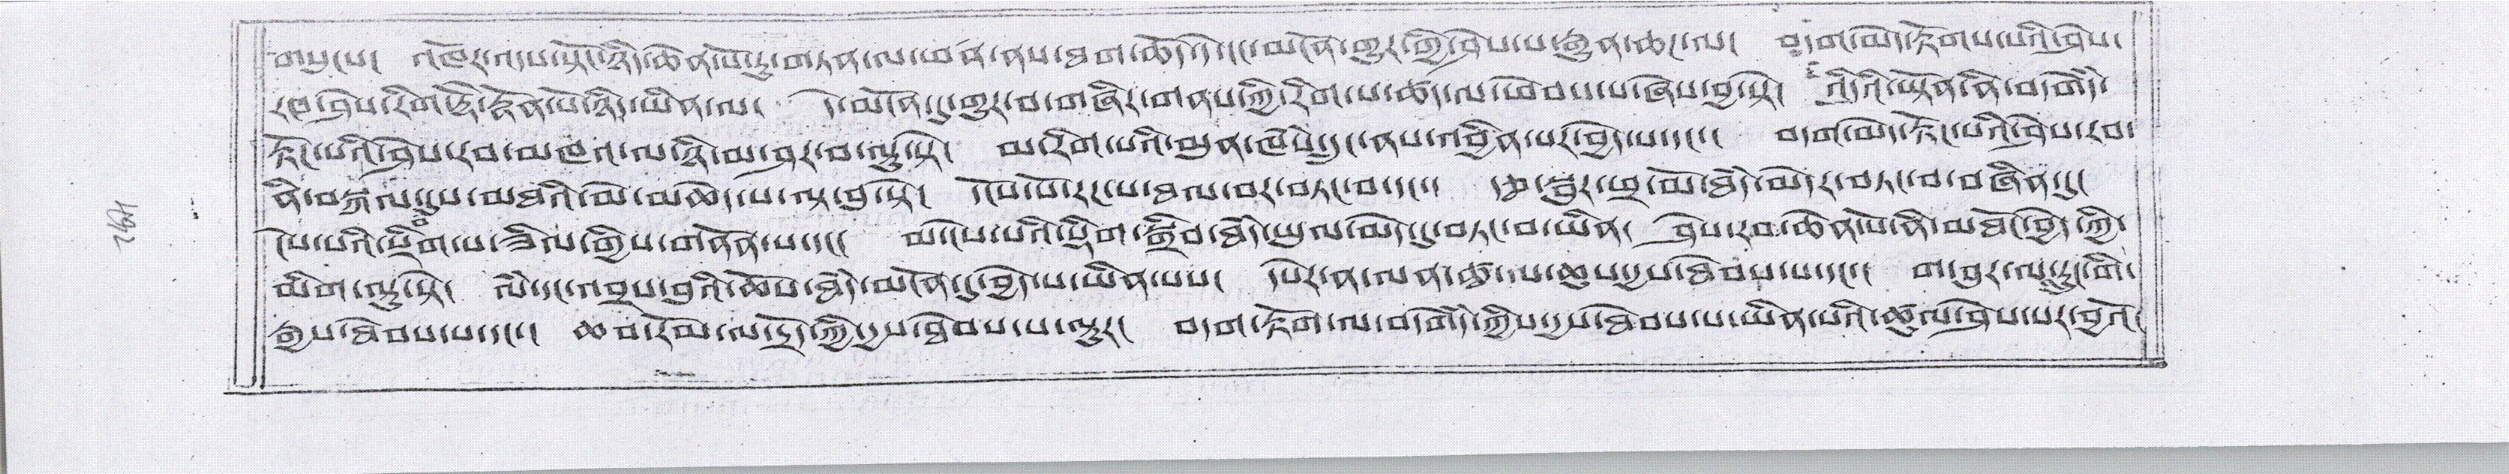གསུངས། འཁོར་འདས་སྟོང་ཉིད་ཆེན་པོ་རུ་གཏན་ལ་ཕབ་ནས་ཐག་ཆོད་དེ་དང་མངོན་གྱུར་གྱི་ཤེས་པ་རྒྱུན་ཆགས་ལ། བདག་མེད་རྟོགས་པའི་ཤེས་
རབ་ཤེས་རིག་རྡོ་རྗེ་རྣོན་པོ་ཉིད་ཡིན་ལ། དེ་མངོན་དུ་གྱུར་པ་གཞིར་གནས་ཀྱི་རིག་པ་ཚད་ལ་ཕེབས་པ་ཞེས་བྱ་སྟེ། འདིའི་ཡོན་ཏན་ནི་བདག་མེད་
རྟོགས་པའི་ཤེས་རབ་མཁའ་ལ་ཉི་མ་ཤར་བ་ལྟ་བུ་སྟེ། མ་རིག་པའི་མུན་ཁམས་དྲུང་ནས་འབྱིན་པར་བྱེད་པ་དང་། བདག་མེད་རྟོགས་པའི་ཤེས་རབ་
ནི་བསྐལ་པ་དུས་མཐའི་མེ་མཆེད་པ་ལྟ་བུ་སྟེ། དངོས་པོ་རགས་པ་ཐལ་བར་བཏང་བ་དང་། རྩ་སྦུར་ཕྲ་མོ་ཐམས་ཅད་མེད་པར་བཏང་བ་བཞིན་དུ་
ངེས་པའི་སྡིག་པ་ཟིལ་གྱིས་གནོན་པ་དང་། མ་ངེས་པའི་སྡིག་སྒྲིབ་ཐམས་ཅད་ཡུལ་མེད་དུ་གཏོང་བ་ཡིན། ཤེས་རབ་ཆེན་པོ་ནི་མཐོང་བྱེད་ཀྱི་
མིག་ལྟ་བུ་སྟེ། ལམ་དང་འབྲས་བུའི་ཆོས་ཐམས་ཅད་མངོན་དུ་བྱེད་པ་ཡིན་པས། དཔེར་ན་ལན་ཚྭ་ལ་ཆུས་རྒྱས་ཐེབས་པ་དང་། ག་པུར་ལ་རླུང་གི་
རྒྱས་ཐེབ་པ་དང་། ཆབ་རོམ་ལ་དྲོད་ཀྱིས་རྒྱས་ཐེབ་པ་ལྟ་བུར། བདག་རྟོག་ལ་བདག་མེད་ཀྱི་རྒྱས་ཐེབས་པ་ཡིན་པའི་ཚུལ་ཤེས་པར་བྱའོ།